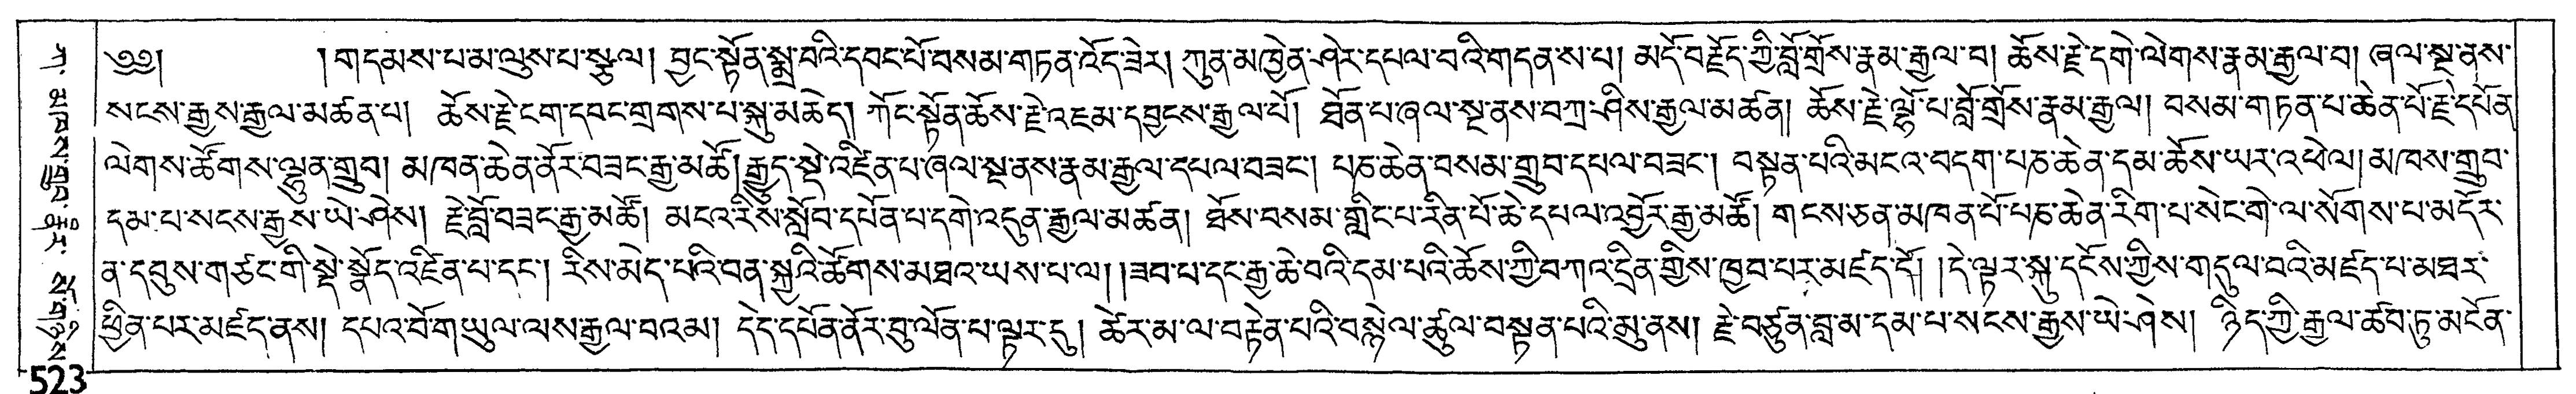༄༅། །གདམས་པ་མ་ལུས་པ་སྩལ། བྱང་སྟོན་སྨྲ་བའི་དབང་པོ་བསམ་གཏན་འོད་ཟེར། ཀུན་མཁྱེན་ཤེར་དཔལ་བའི་གདན་ས་པ། མདོ་བརྗོད་ཀྱི་བློ་གྲོས་རྣམ་རྒྱལ་བ། ཆོས་རྗེ་དགེ་ལེགས་རྣམ་རྒྱལ་བ། ཞལ་སྔ་ནས་
སངས་རྒྱས་རྒྱལ་མཚན་པ། ཆོས་རྗེ་ངག་དབང་གྲགས་པ་སྐུ་མཆེད། ཀོང་སྟོན་ཆོས་རྗེ་འཇམ་དབྱངས་རྒྱལ་པོ། ཐོན་པ་ཞལ་སྔ་ནས་བཀྲ་ཤིས་རྒྱལ་མཚན། ཆོས་རྗེ་ལྷོ་པ་བློ་གྲོས་རྣམ་རྒྱལ། བསམ་གཏན་པ་ཆེན་པོ་རྗེ་དཔོན་
ལེགས་ཚོགས་ལྷུན་གྲུབ། མཁན་ཆེན་ནོར་བཟང་རྒྱ་མཚོ། རྒྱུད་སྡེ་འཛིན་པ་ཞལ་སྔ་ནས་རྣམ་རྒྱལ་དཔལ་བཟང་། པཎ་ཆེན་བསམ་གྲུབ་དཔལ་བཟང་། བསྟན་པའི་མངའ་བདག་པཎ་ཆེན་དམ་ཆོས་ཡར་འཕེལ། མཁས་གྲུབ་
དམ་པ་སངས་རྒྱས་ཡེ་ཤེས། རྗེ་བློ་བཟང་རྒྱ་མཚོ། མངའ་རིས་སློབ་དཔོན་པ་དགེ་འདུན་རྒྱལ་མཚན། ཐོས་བསམ་གླིང་པ་རིན་པོ་ཆེ་དཔལ་འབྱོར་རྒྱ་མཚོ། གངས་ཅན་མཁན་པོ་པཎ་ཆེན་རིག་པ་སེང་གེ་ལ་སོགས་པ་མདོར་
ན་དབུས་གཙང་གི་སྡེ་སྣོད་འཛིན་པ་དང་། རིས་མེད་པའི་བན་སྐྱའི་ཚོགས་མཐའ་ཡས་པ་ལ། །ཟབ་པ་དང་རྒྱ་ཆེ་བའི་དམ་པའི་ཆོས་ཀྱི་བཀའ་དྲིན་གྱིས་ཁྱབ་པར་མཛད་དོ། །དེ་ལྟར་དངོས་ཀྱིས་གདུལ་བའི་མཛད་པ་མཐར་
ཕྱིན་པར་མཛད་ནས། དཔའ་བོ་གཡུལ་ལས་རྒྱལ་བའམ། དེད་དཔོན་ནོར་བུ་ལོན་པ་ལྟར་དུ། ཚེར་མ་ལ་བརྟེན་པའི་བསྙེལ་ཚུལ་བསྟན་པའི་མུ་ནས། རྗེ་བཙུན་བླ་མ་དམ་པ་སངས་རྒྱས་ཡེ་ཤེས། ཉིད་ཀྱི་རྒྱལ་ཚབ་ཏུ་མངོན་